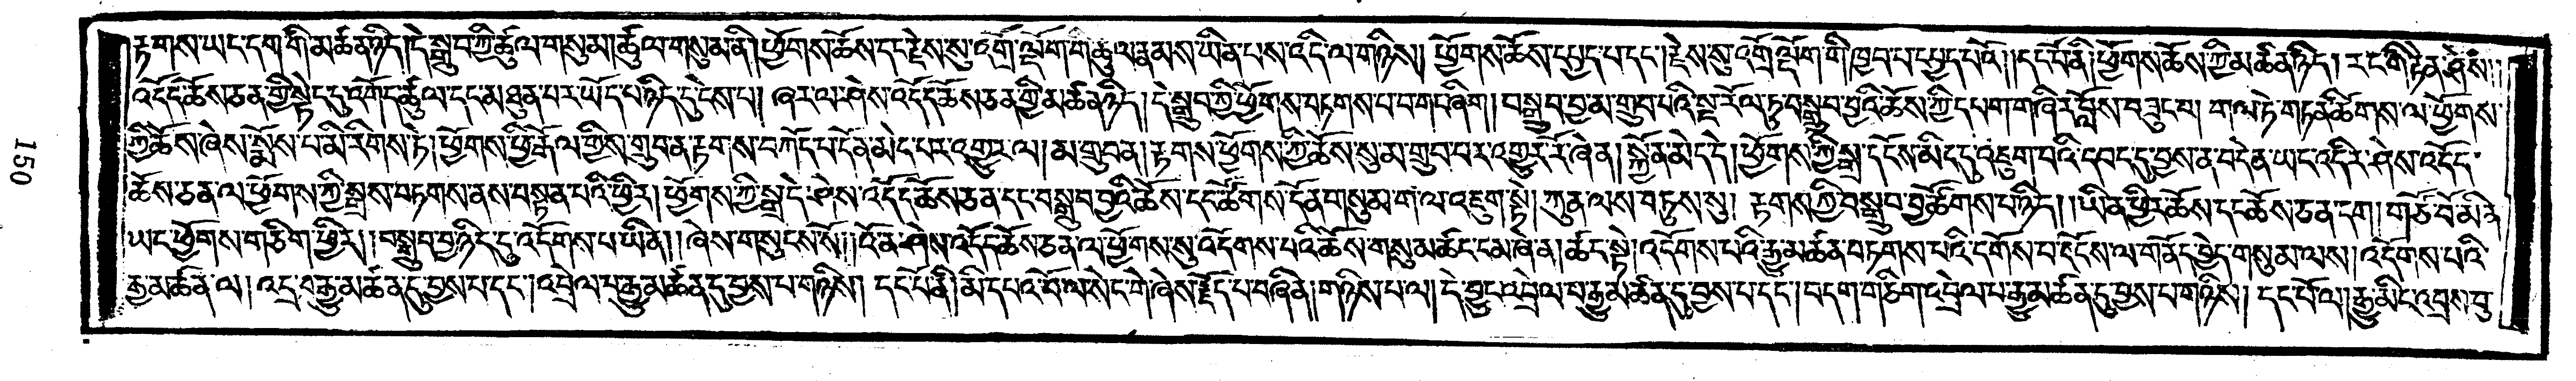རྟགས་ཡང་དག་གི་མཚན་ཉིད། དེ་སྒྲུབ་ཀྱི་ཚུལ་གསུམ། ཚུལ་གསུམ་ནི། ཕྱོགས་ཆོས་དང་རྗེས་སུ་འགྲོ་ལྡོག་གི་ཚུལ་རྣམས་ཡིན་པས་འདི་ལ་གཉིས། ཕྱོགས་ཆོས་དཔྱད་པ་དང་། རྗེས་སུ་འགྲོ་ལྡོག་གི་ཁྱབ་པ་དཔྱད་པའོ། །དང་པོ་ནི། ཕྱོགས་ཆོས་ཀྱི་མཚན་ཉིད། རང་གི་རྟེན་ཤེས་
འདོད་ཆོས་ཅན་གྱི་སྟེང་དུ་འགོད་ཚུལ་དང་མཐུན་པར་ཡོད་པ་ཉིད་དུ་ངེས་པ། ཞར་ལ་ཤེས་འདོད་ཆོས་ཅན་གྱི་མཚན་ཉིད། དེ་སྒྲུབ་ཀྱི་ཕྱོགས་བཏགས་པ་བ་གང་ཞིག །བསྒྲུབ་བྱ་མ་གྲུབ་པའི་སྔ་རོལ་ཏུ་བསྒྲུབ་བྱའི་ཆོས་ཀྱི་དཔག་གཞིར་བློས་བཟུང་བ། གལ་ཏེ་གཏན་ཚིགས་ལ་ཕྱོགས་
ཀྱི་ཆོས་ཞེས་སྨོས་པ་མི་རིགས་ཏེ། ཕྱོགས་ཕྱི་རྒོལ་གྱིས་གྲུབ་ན་རྟགས་བཀོད་པ་དོན་མེད་པར་འགྱུར་ལ། མ་གྲུབ་ན། རྟགས་ཕྱོགས་ཀྱི་ཆོས་སུ་མ་གྲུབ་པར་འགྱུར་རོ་ཞེ་ན། སྐྱོན་མེད་དེ། ཕྱོགས་ཀྱི་སྒྲ་དངོས་མིང་དུ་འཇུག་པའི་དབང་དུ་བྱས་ན་བདེན་ཡང་འདིར་ཤེས་འདོད་
ཆོས་ཅན་ལ་ཕྱོགས་ཀྱི་སྒྲས་བཏགས་ནས་བསྟན་པའི་ཕྱིར། ཕྱོགས་ཀྱི་སྒྲ་དེ་ཤེས་འདོད་ཆོས་ཅན་དང་བསྒྲུབ་བྱའི་ཆོས་དང་ཚོགས་དོན་གསུམ་ག་ལ་འཇུག་སྟེ། ཀུན་ལས་བཏུས་སུ། རྟགས་ཀྱི་བསྒྲུབ་བྱ་ཚོགས་པ་ཉིད། །ཡིན་ཕྱིར་ཆོས་དང་ཆོས་ཅན་དག །གཙོ་བོ་མིན་
ཡང་ཕྱོགས་གཅིག་ཕྱིར། །བསྒྲུབ་བྱ་ཉིད་དུ་འདོགས་པ་ཡིན། །ཞེས་གསུངས་སོ། །འོ་ན་ཤེས་འདོད་ཆོས་ཅན་ལ་ཕྱོགས་སུ་འདོགས་པའི་ཆོས་གསུམ་ཚང་ངམ་ཞེ་ན། ཚང་སྟེ། འདོགས་པའི་རྒྱུ་མཚན་བཏགས་པའི་དགོས་པ་དངོས་ལ་གནོད་བྱེད་གསུམ་ལས། འདོགས་པའི་
རྒྱུ་མཚན་ལ། འདྲ་བ་རྒྱུ་མཚན་དུ་བྱས་པ་དང་། འབྲེལ་པ་རྒྱུ་མཚན་དུ་བྱས་པ་གཉིས། དང་པོ་ནི། མི་དཔའ་བོ་ལ་སེང་གེ་ཞེས་རྗོད་པ་བཞིན། གཉིས་པ་ལ། དེ་བྱུང་འབྲེལ་པ་རྒྱུ་མཚན་དུ་བྱས་པ་དང་། བདག་གཅིག་འབྲེལ་པ་རྒྱུ་མཚན་དུ་བྱས་པ་གཉིས། དང་པོ་ལ། རྒྱུ་མིང་འབྲས་བུ་